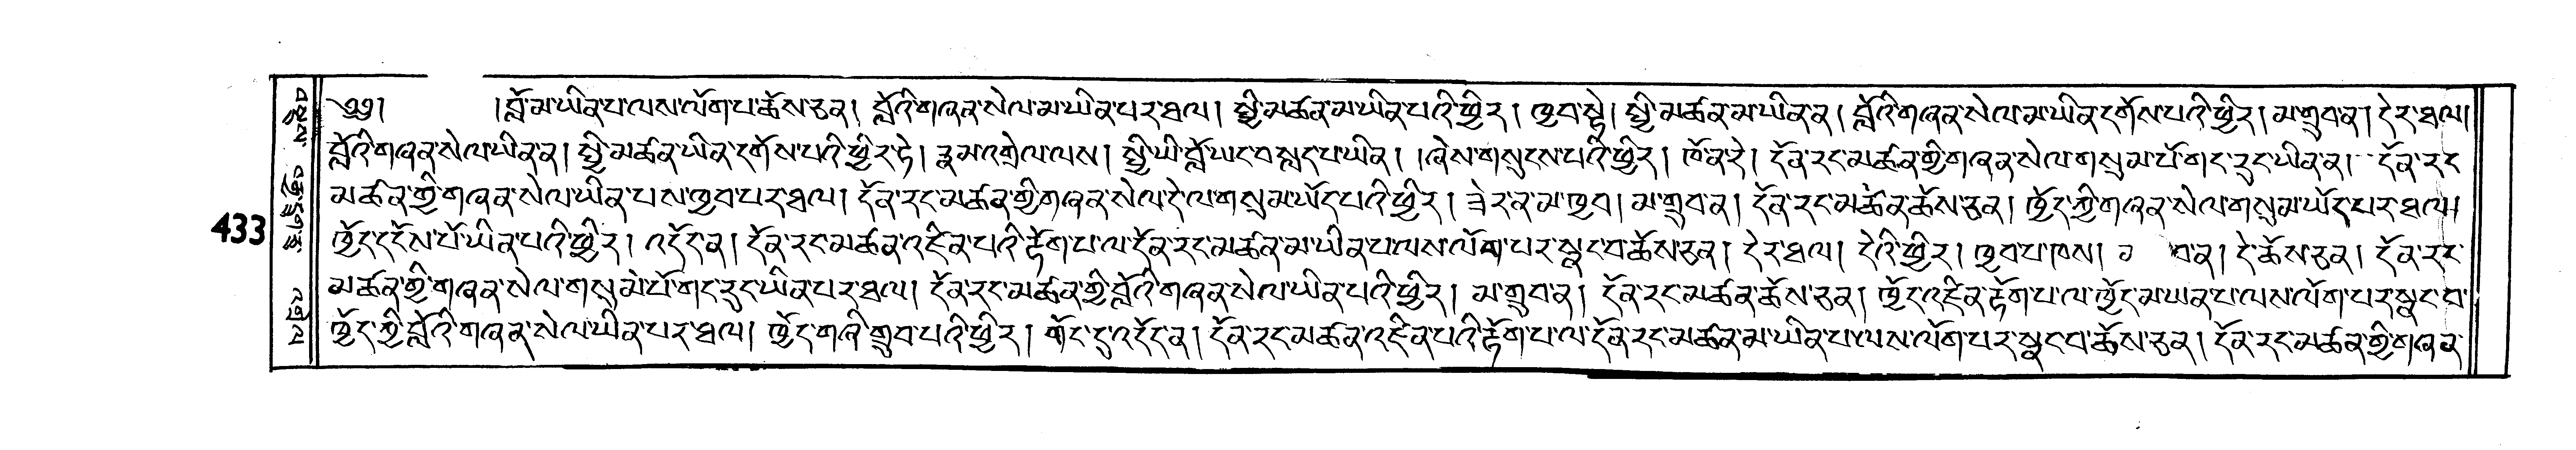༄༅། །བློ་མ་ཡིན་པ་ལས་ལོག་པ་ཆོས་ཅན། བློའི་གཞན་སེལ་མ་ཡིན་པར་ཐལ། སྦྱི་མཚན་མ་ཡིན་པའི་ཕྱིར། ཁྱབ་སྟེ། སྤྱི་མཚན་མ་ཡིན་ན། བློའི་གཞན་སེལ་མ་ཡིན་དགོས་པའི་ཕྱིར། མ་གྲུབ་ན། དེར་ཐལ།
བློའི་གཞན་སེལ་ཡིན་ན། སྦྱི་མཚན་ཡིན་དགོས་པའི་ཕྱིར་ཏེ། རྣམ་འགྲེལ་ལས། སྦྱི་ཡི་བློ་ཡང་བསླད་པ་ཡིན། །ཞེས་གསུངས་པའི་ཕྱིར། ཁོ་ན་རེ། དོན་རང་མཚན་གྱི་གཞན་སེལ་གསུམ་པོ་གང་རུང་ཡིན་ན། དོན་རང་
མཚན་གྱི་གཞན་སེལ་ཡིན་པས་ཁྱབ་པར་ཐལ། དོན་རང་མཚན་གྱི་གཞན་སེལ་དེ་ལ་གསུམ་ཡོད་པའི་ཕྱིར། ཟེར་ན་མ་ཁྱབ། མ་གྲུབ་ན། དོན་རང་མཚོན་ཆོས་ཅན། ཁྱོད་ཀྱི་གཞན་སེལ་གསུམ་ཡོད་པར་ཐལ།
ཁྱོད་དངོས་པོ་ཡིན་པའི་ཕྱིར། འདོད་ན། དོན་རང་མཚན་འཛིན་པའི་རྟོག་པ་ལ་དོན་རང་མཚན་མ་ཡིན་པ་ལས་ལོག་པར་སྣང་བ་ཆོས་ཅན། དེར་ཐལ། དེའི་ཕྱིར། ཁྱབ་པ་ཁྱས། ??བ་ན། དེ་ཆོས་ཅན། དོན་རང་
མཚན་གྱི་གཞན་སེལ་གསུམ་པོ་གང་རུང་ཡིན་པར་ཐལ། དོན་རང་མཚན་གྱི་བློའི་གཞན་སེལ་ཡིན་པའི་ཕྱིར། མ་གྲུབ་ན། དོན་རང་མཚན་ཆོས་ཅན། ཁྱོད་འཛིན་རྟོག་པ་ལ་ཁྱོད་ལ་ཡན་པ་ལས་ལོག་པར་སྣང་བ་
ཁྱོད་ཀྱི་བློའི་གཞན་སེལ་ཡིན་པར་ཐལ། ཁྱོད་གཞི་གྲུབ་པའི་ཕྱིར། གོང་དུ་འདོད་ན། དོན་རང་མཚན་འཛིན་པའི་རྟོག་པ་ལ་དོན་རང་མཚན་མ་ཡིན་པ་ལས་ལོག་པར་སྣང་བ་ཆོས་ཅན། དོན་རང་མཚན་གྱི་གཞན་